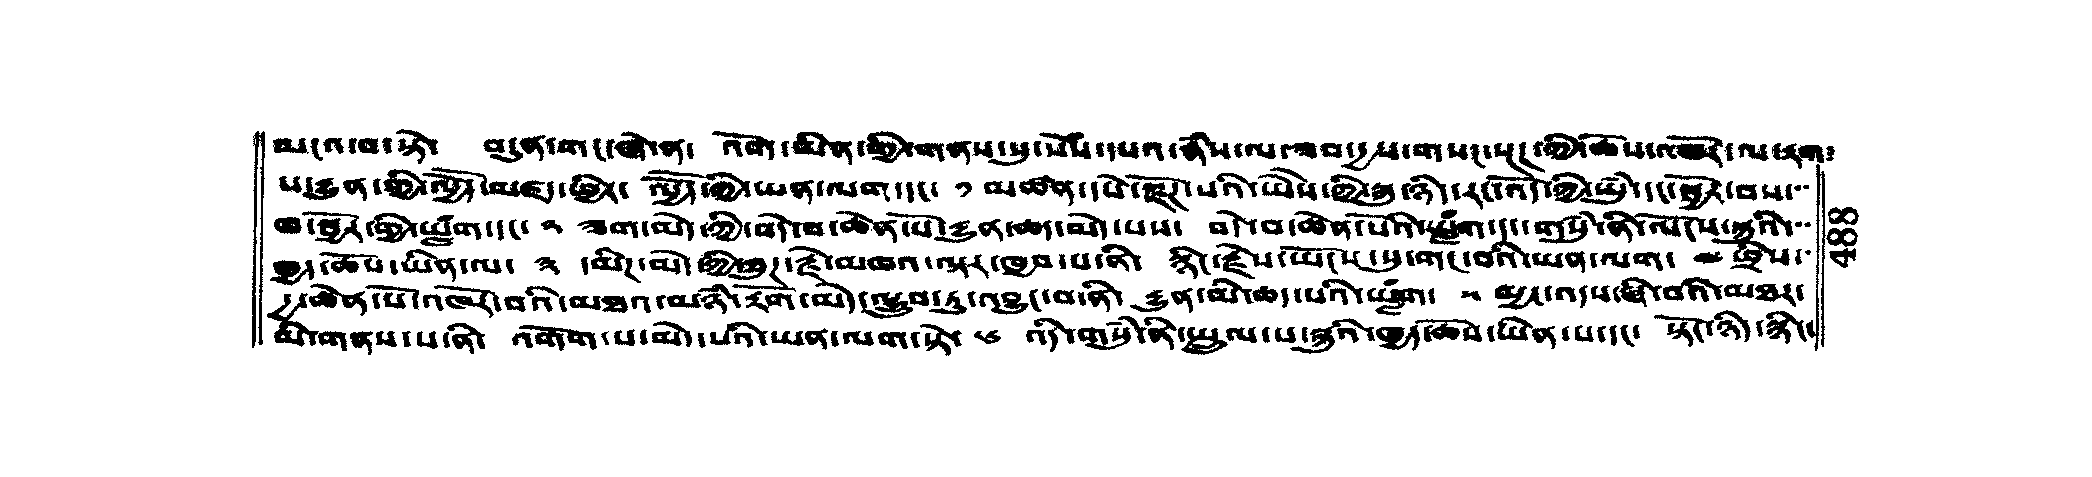མངའ་བ་སྟེ། བདུན་གང་ཞེ་ན། འོག་མིན་གྱི་གནས་སུ་སེམས་དཔའ་རྣམས་ལ་ཟབ་རྒྱས་གསང་སྔགས་ཀྱི་ཆོས་འཁོར་ལ་རྟག་
པ་རྒྱུན་གྱི་ལོངས་སྤྱོད་མཛད་ཕྱིར་ལོངས་སྤྱོད་ཀྱི་ཡན་ལག་དང་། ༡ མཚན་དཔེ་རྫོགས་པའི་ཡེ་ཤེས་ཀྱི་སྐུ་ཉིད་རང་འོད་ཀྱི་ཡུམ་དང་སྦྱོར་བས་
ཁ་སྦྱོར་གྱི་ཡན་ལག་དང་།༢ ཟག་མེད་ཀྱི་བདེ་བ་ཆེན་པོ་རྒྱུན་ཆད་མེད་པས་བདེ་བ་ཆེན་པོའི་ཡན་ལག་དང་གསུམ་ནི་ལོངས་སྐུའི་
ཁྱད་ཆོས་ཡིན་ལ། ༣ དམིགས་མེད་ཀྱི་ཐུགས་རྗེ་མཁའ་ལྟར་ཁྱབ་པ་ནི་སྙིང་རྗེས་ཡོངས་སུ་གང་བའི་ཡན་ལག ༤ ཕྲིན་ལས་
རྒྱ་ཆེན་པོ་འཁོར་བའི་མཐའ་མཉམ་རྟོག་མེད་ལྷུན་གྲུབ་ཏུ་འབྱུང་བ་ནི་རྒྱུན་མི་ཆད་པའི་ཡན་ལག ༥ མྱང་འདས་ཞི་བའི་མཐར་
མི་གནས་པ་ནི། འགོག་པ་མེད་པའི་ཡན་ལག་སྟེ། ༦ འདི་གསུམ་ནི་སྤྲུལ་པ་སྐུའི་ཁྱད་ཆོས་ཡིན་པ་དང་། སྟོང་ཉིད་སྙིང་